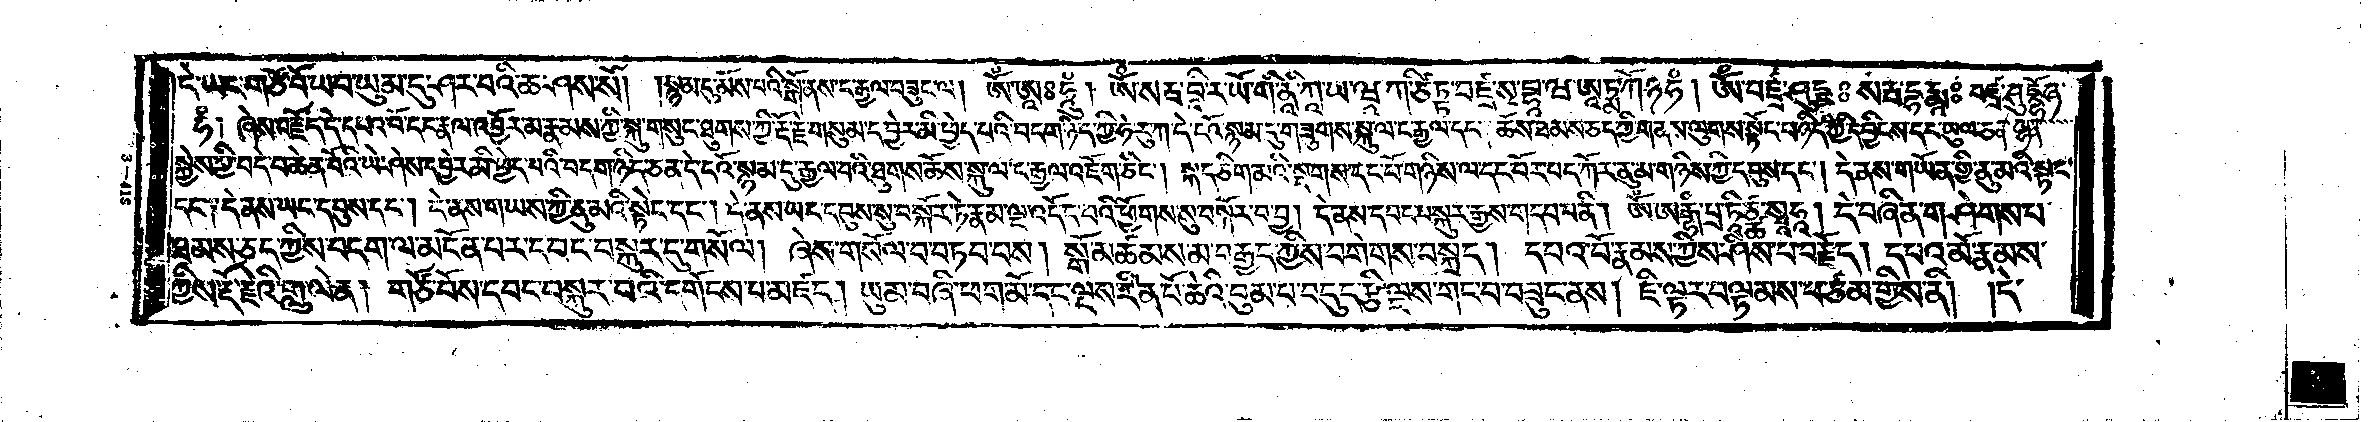དེ་ཡང་གཙོ་བོ་ཡབ་ཡུམ་དུ་ཤར་བའི་ཆ་ཤས་སོ། །སྙམ་དུ་མོས་པའི་སྒོ་ནས་ང་རྒྱལ་བཟུང་ལ།  ཨོཾ་ཨཱཿཧཱུཾ། ཨོཾ་སརྦ་བཱི་ར་ཡོ་གི་ནཱི་ཀཱ་ཡ་ཝཱ་ཀ་ཙིཏྟ་བཛྲ་སྭ་བྷཱ་ཝ་ཨཱཏྨ་ཀོཉཧཾ། ཨོཾ་བཛྲ་ཤུདྡྷཿསརྦ་དྷརྨཱཿབཛྲ་ཤུདྡྷོཉ་
?་ཞེས་བརྗོད་དེ་དཔའ་བོ་དང་རྣལ་འབྱོར་མ་རྣམས་ཀྱི་སྐུ་གསུང་ཐུགས་ཀྱི་རྡོ་རྗེ་གསུམ་དབྱེར་མི་ཕྱེད་པའི་བདག་ཉིད་ཀྱི་ཧེ་རུ་ཀ་དེ་ངའོ་སྙམ་དུ་གཟུགས་སྐུ་ལ་ང་རྒྱལ་དང་། ཆོས་ཐམས་ཅད་ཀྱི་གནས་ལུགས་སྟོང་པ་ཉིད་ཀྱི་དབྱིངས་དང་ཡུལ་ཅན་ལྷན་
སྐྱེས་གྱི་བདེ་བ་ཆེན་པོའི་ཡེ་ཤེས་དབྱེར་མི་ཕྱེད་པའི་བདག་ཉིད་ཅན་དེ་ངའོ་སྙམ་དུ་རྒྱལ་བའི་ཐུགས་ཆོས་སྐུ་ལ་ང་རྒྱལ་འཇོག་ཅིང་། སྐད་ཅིག་མའི་སྔགས་དང་པོ་གཉིས་ལ་དང་བོར་པད་ཀོར་ནུ་མ་གཉིས་ཀྱི་དབུས་དང་། དེ་ནས་གཡོན་གྱི་ནུ་མའི་སྟང་
དང༑ དེ་ནས་ཡང་དབུས་དང་། དེ་ནས་གཡས་ཀྱི་ནུ་མའི་སྟེང་དང་། དེ་ནས་ཡང་དབུས་སུ་བསྐོར་ཏེ་རྣམ་ལྔ་འདོད་པའི་ཕྱོགས་སུ་བསྐོར་བ་བྱ། དེ་ནས་དབང་པ་སྐུར་རྒྱས་གདབ་པ་ནི། ཨོཾ་ཨརྒྷཾ་པྲ་ཏཱིཙྪ་སྭཱཧཱ། དེ་བཞིན་གཤེགས་པ་
ཐམས་ཅད་ཀྱིས་བདག་ལ་མངོན་པར་དབང་བསྐུར་དུ་གསོལ། ཞེས་གསོལ་བ་བཏབ་པས། སྒོ་མཚམས་མ་བརྒྱད་ཀྱིས་བགེགས་བསྐྲད། དཔའ་བོ་རྣམས་ཀྱིས་ཤིས་པ་བརྗོད། དཔའ་མོ་རྣམས་
ཀྱིས་རྡོ་རྗེའི་གླུ་ལེན། གཙོ་བོས་དབང་བསྐུར་བའི་དགོངས་པ་མཛད། ཡུམ་བཞི་ཕག་མོ་དང་ལྔས་རིན་པོ་ཆེའི་བུམ་པ་བདུད་རྩི་ལྔས་གང་བ་བཟུང་ནས། ཇི་ལྟར་བལྟམས་ཕ་ཙམ་གྱིས་ནི། །དེ་